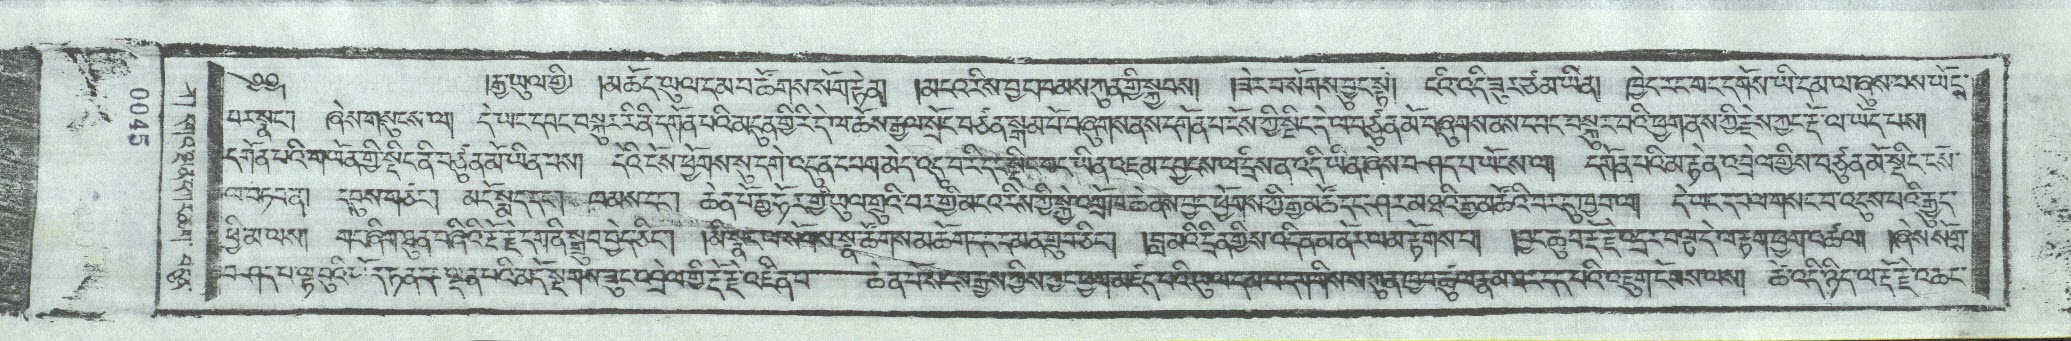༄༅། །རྒྱ་ཡུལ་གྱི། །མཆོད་ཡུལ་དམ་པ་ཚོགས་སོག་རྟེན། །མངའ་རིས་བྱང་ཁམས་ཀུན་གྱི་སྐྱབས། །ཟེར་བ་སོགས་བྱུང་སྟེ། ངའི་འདི་ཟུར་ཙམ་ཡིན། ཁྱེད་རང་གང་དགོས་ཡི་དམ་ལ་ཞུས་པས་ཡོངས་
པར་སྣང་། ཞེས་གསུངས་ལ། དེ་ཡང་དབང་བསྐུར་རི་ནི་དགོན་པའི་མདུན་གྱི་རི་དེ་ལ་ཆོས་རྒྱལ་སྲོང་བཙན་སྒམ་པོ་བཞུགས་ནས་དགོན་པ་ངོས་ཀྱི་སྡིང་དེ་ལ་བཙུན་མོ་བཞུགས་ནས་དབང་བསྐུར་བའི་ཕྱག་ནས་ཀྱི་རྗེས་ཀྱང་རྡོ་ལ་ཡོད་པས།
དགོན་པའི་གཡོན་གྱི་སྡིང་ནི་བཙུན་མོ་ཡིན་པས། དེའི་ངོས་ཕྱོགས་སུ་དགེ་འདུན་དཔག་མེད་འདུ་བ་རི་དང་སྡིང་གང་ཡིན་འཇམ་དབྱངས་ལ་དྲིས་ན་འདི་ཡིན་ཞེས་བཤད་པ་ཡོངས་ལ། དགོན་པའི་མ་རྟེན་འབྲེལ་གྱིས་བཙུན་མོ་སྡིང་ངོས་
ལ་བཏབ་ན། དབུས་གཙང་། མདོ་སྨད་དང་། ཁམས་དང་། ཆེན་པོ་རྒྱ་ཧོར་གྱི་ཡུལ་གྲུའི་བར་གྱི་མངའ་རིས་ཀྱི་སྐྱེ་འགྲོ་བ་ཆེ་ནས་བྱང་ཕྱོགས་ཀྱི་རྒྱ་མཚོ་དང་ཤར་མཐའི་རྒྱ་མཚོའི་བར་དུ་ཁྱབ་ལ། དེ་ཡང་དཔལ་གསང་བ་འདུས་པའི་རྒྱུད་
ཕྱི་མ་ལས། གང་ཞིག་ཐུན་བཞིའི་རྡོ་རྗེ་དག་ནི་སྒྲུབ་བྱེད་ཅིང་། །མི་སྣང་ལ་སོགས་སྣ་ཚོགས་མཆོག་དང་དམན་གྲུབ་ཅིང་། །བླ་མའི་དྲིན་གྱིས་འདི་ན་མ་ནོར་ལམ་རྟོགས་པ། །བྱང་ཆུབ་རྡོ་རྗེ་འདྲར་བལྟ་དེ་ལ་རྟག་ཕྱག་འཚལ། །ཞེས་སོགས་
བཤད་པ་ལྟ་བུའི་ཡོན་ཏན་དང་ལྡན་པའི་མདོ་སྔགས་ཟུང་འབྲེལ་གྱི་རྡོ་རྗེ་འཛིན་པ་ཆེན་པོ་སངས་རྒྱས་ཀྱིས་ཀྱང་ཕྱག་མཛད་པའི་ཡུལ་དམ་བདག་གིས་ས་ཀུན་ཁྱབ་ཚུལ་རྣམ་ཐར་དད་པའི་འཇུག་ངོགས་ལས། ཚེ་འདི་ཉིད་ལ་རྡོ་རྗེ་འཆང་